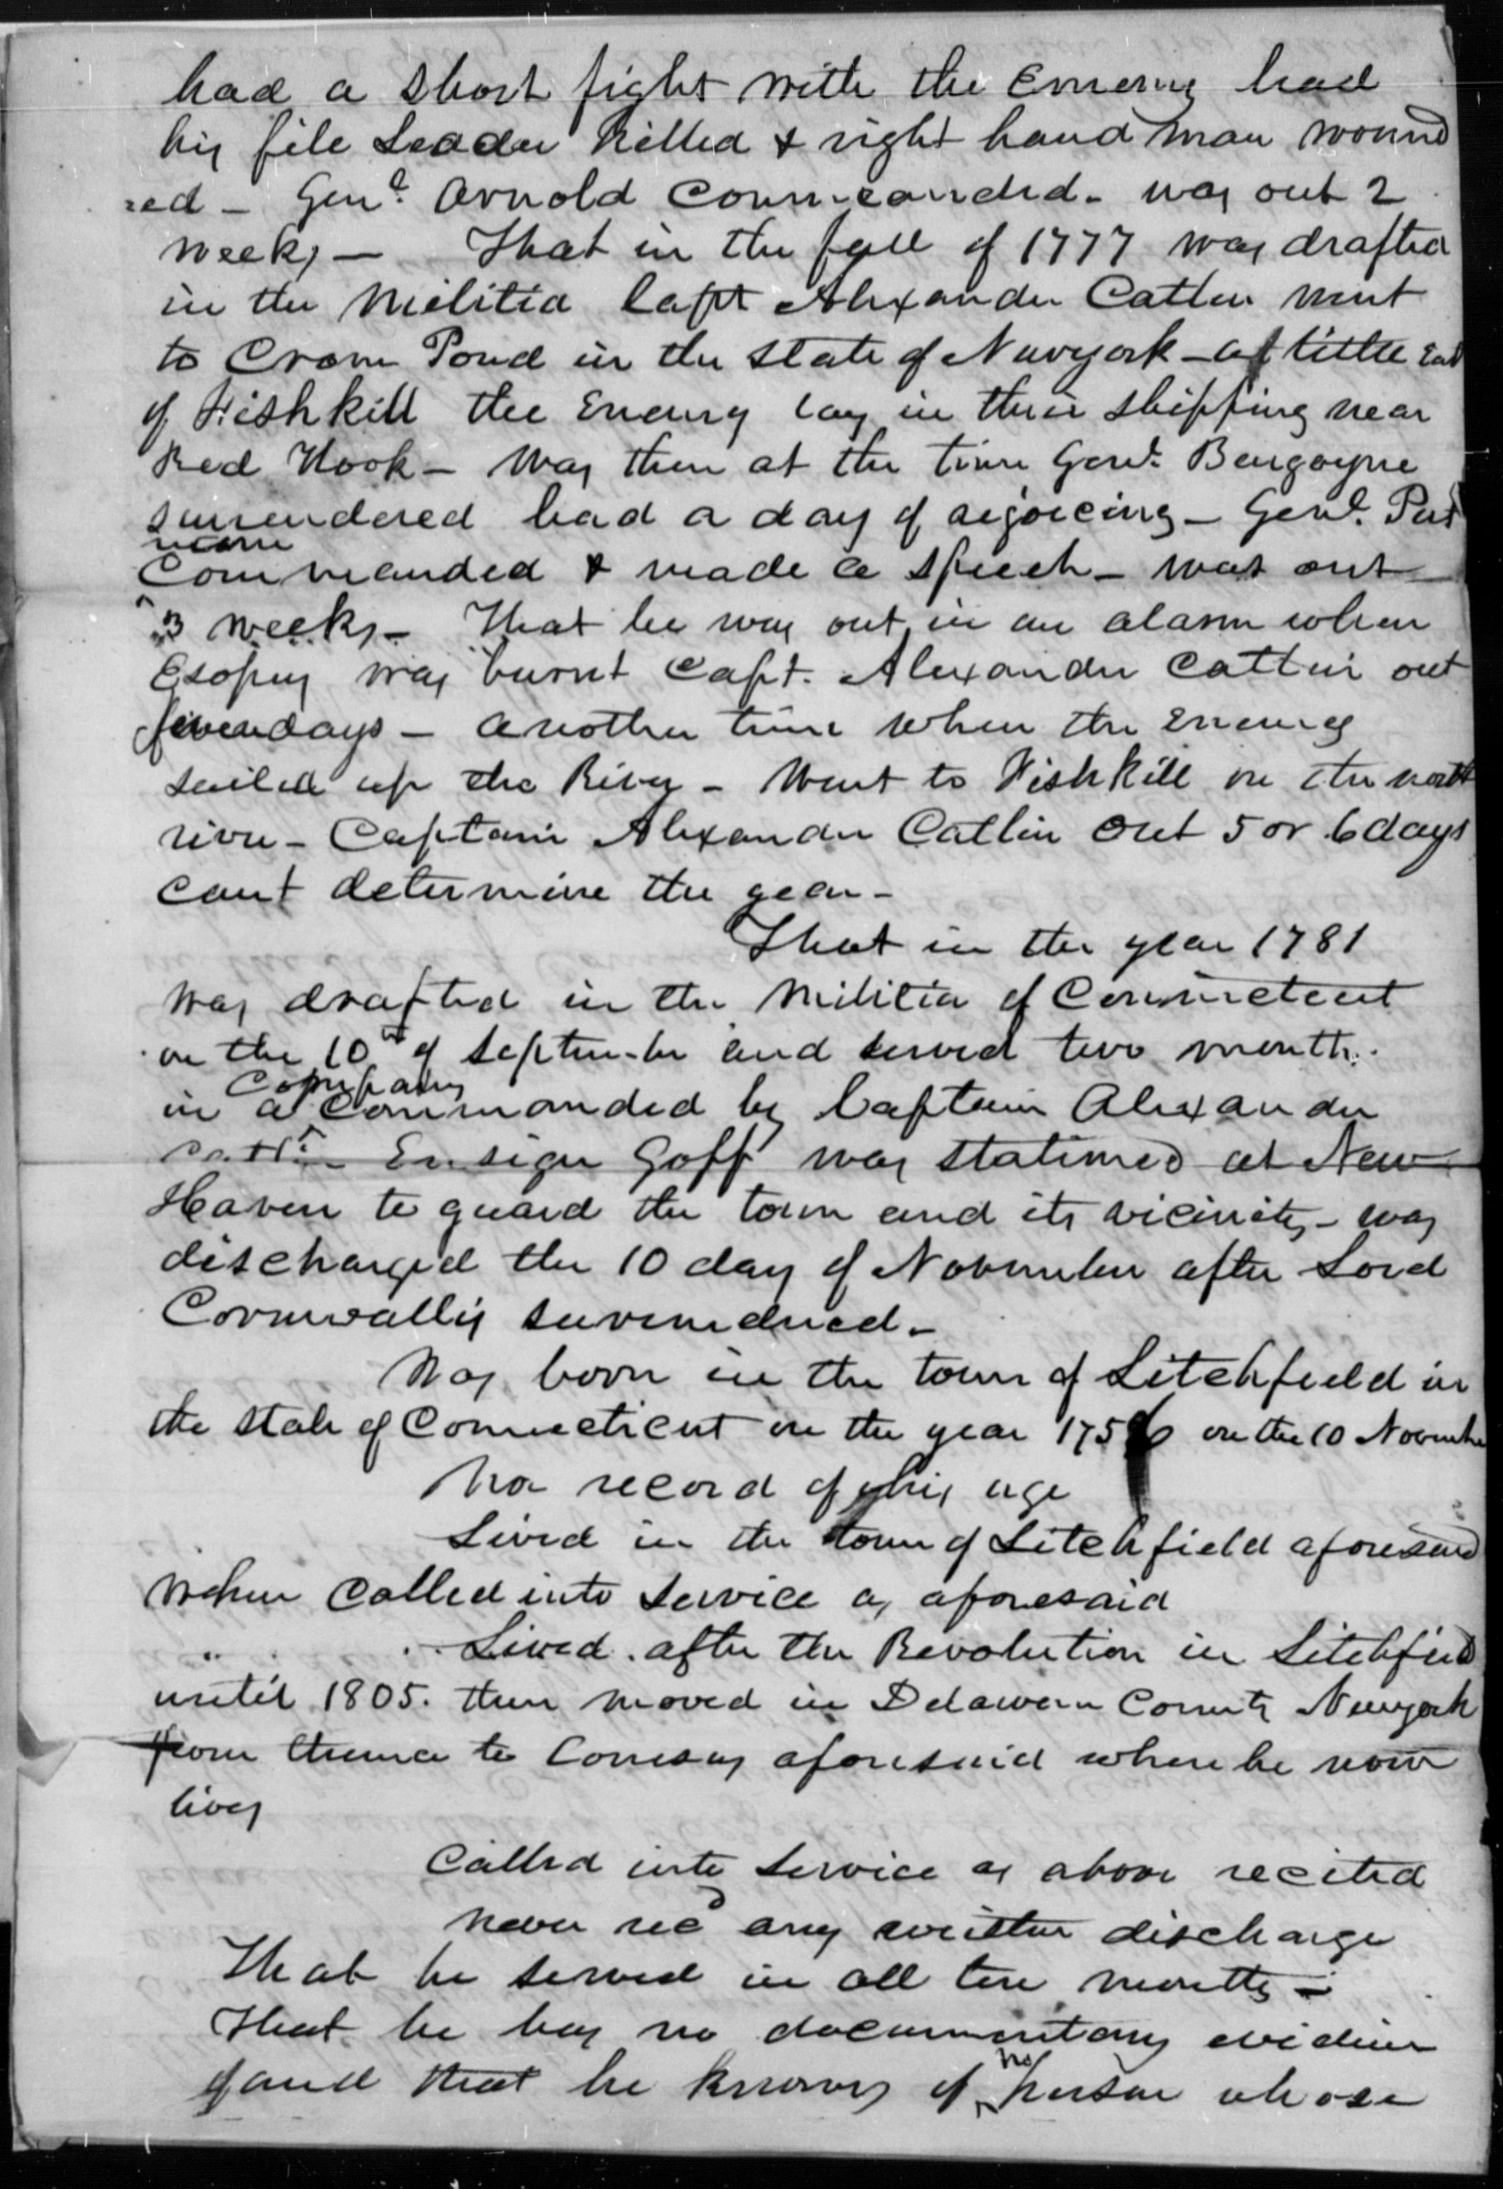had a short fight with the enemy had
his file Leader killed & right hand man wound ed - Genl Arnold commanded, was out 2
Weeks- That in the fall of 1777 was drafted
in the Militia Capt Alexander Catlin went
to Crompond in the State of New York a little east of Fishkill the enemy lay in their shipping near
Red Hook - was then at the time Genl Burgoyne surrendered had a day of rejoicing. Genl Put
commanded & made a speech-- was out
3 weeks. That he was out in an alarm when
Esopy was burnt Capt. Alexander Catlin out
five days - another time when the enemy
sailed up the River - went to Fishkill on the north ┃
river - Captain Alexander Catlin out 5 or 6 days
cant determine the year.
That in the year 1781 was
drafted in the militia of Connecticut
on the 10th of September and served two month in a company
commanded by Captain Alexander Catlin
Ensign Goff was stationed at New
Haven to guard the town and its vicinity-- was
discharged the 10 day of November after Lord
Cornwallis suriendered.
Was born in the town of Litchfield in
the State of Connecticut in the year 1756 on the 10 November.
No record of his age
Lived in the town of Litchfield aforesaid
when called into service as aforesaid
Lived after the Revolution in Litchfield
until 1805. Then moved in Delaware County New York
From thence to Convey aforesaid where he now lives
Called into service as above recited
Never recd any written discharge
That he served in all ten months-
That he has no documentary evidence
and that he knows of person whose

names: Alexander Catlen, Burgoyne, Alexander Catlin, Alexander Catlin, Arnold, Putnam, Alexander Catlin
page: 5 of 19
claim: survivor's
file: S. 23,092, Hezekiah Agard, Conn.